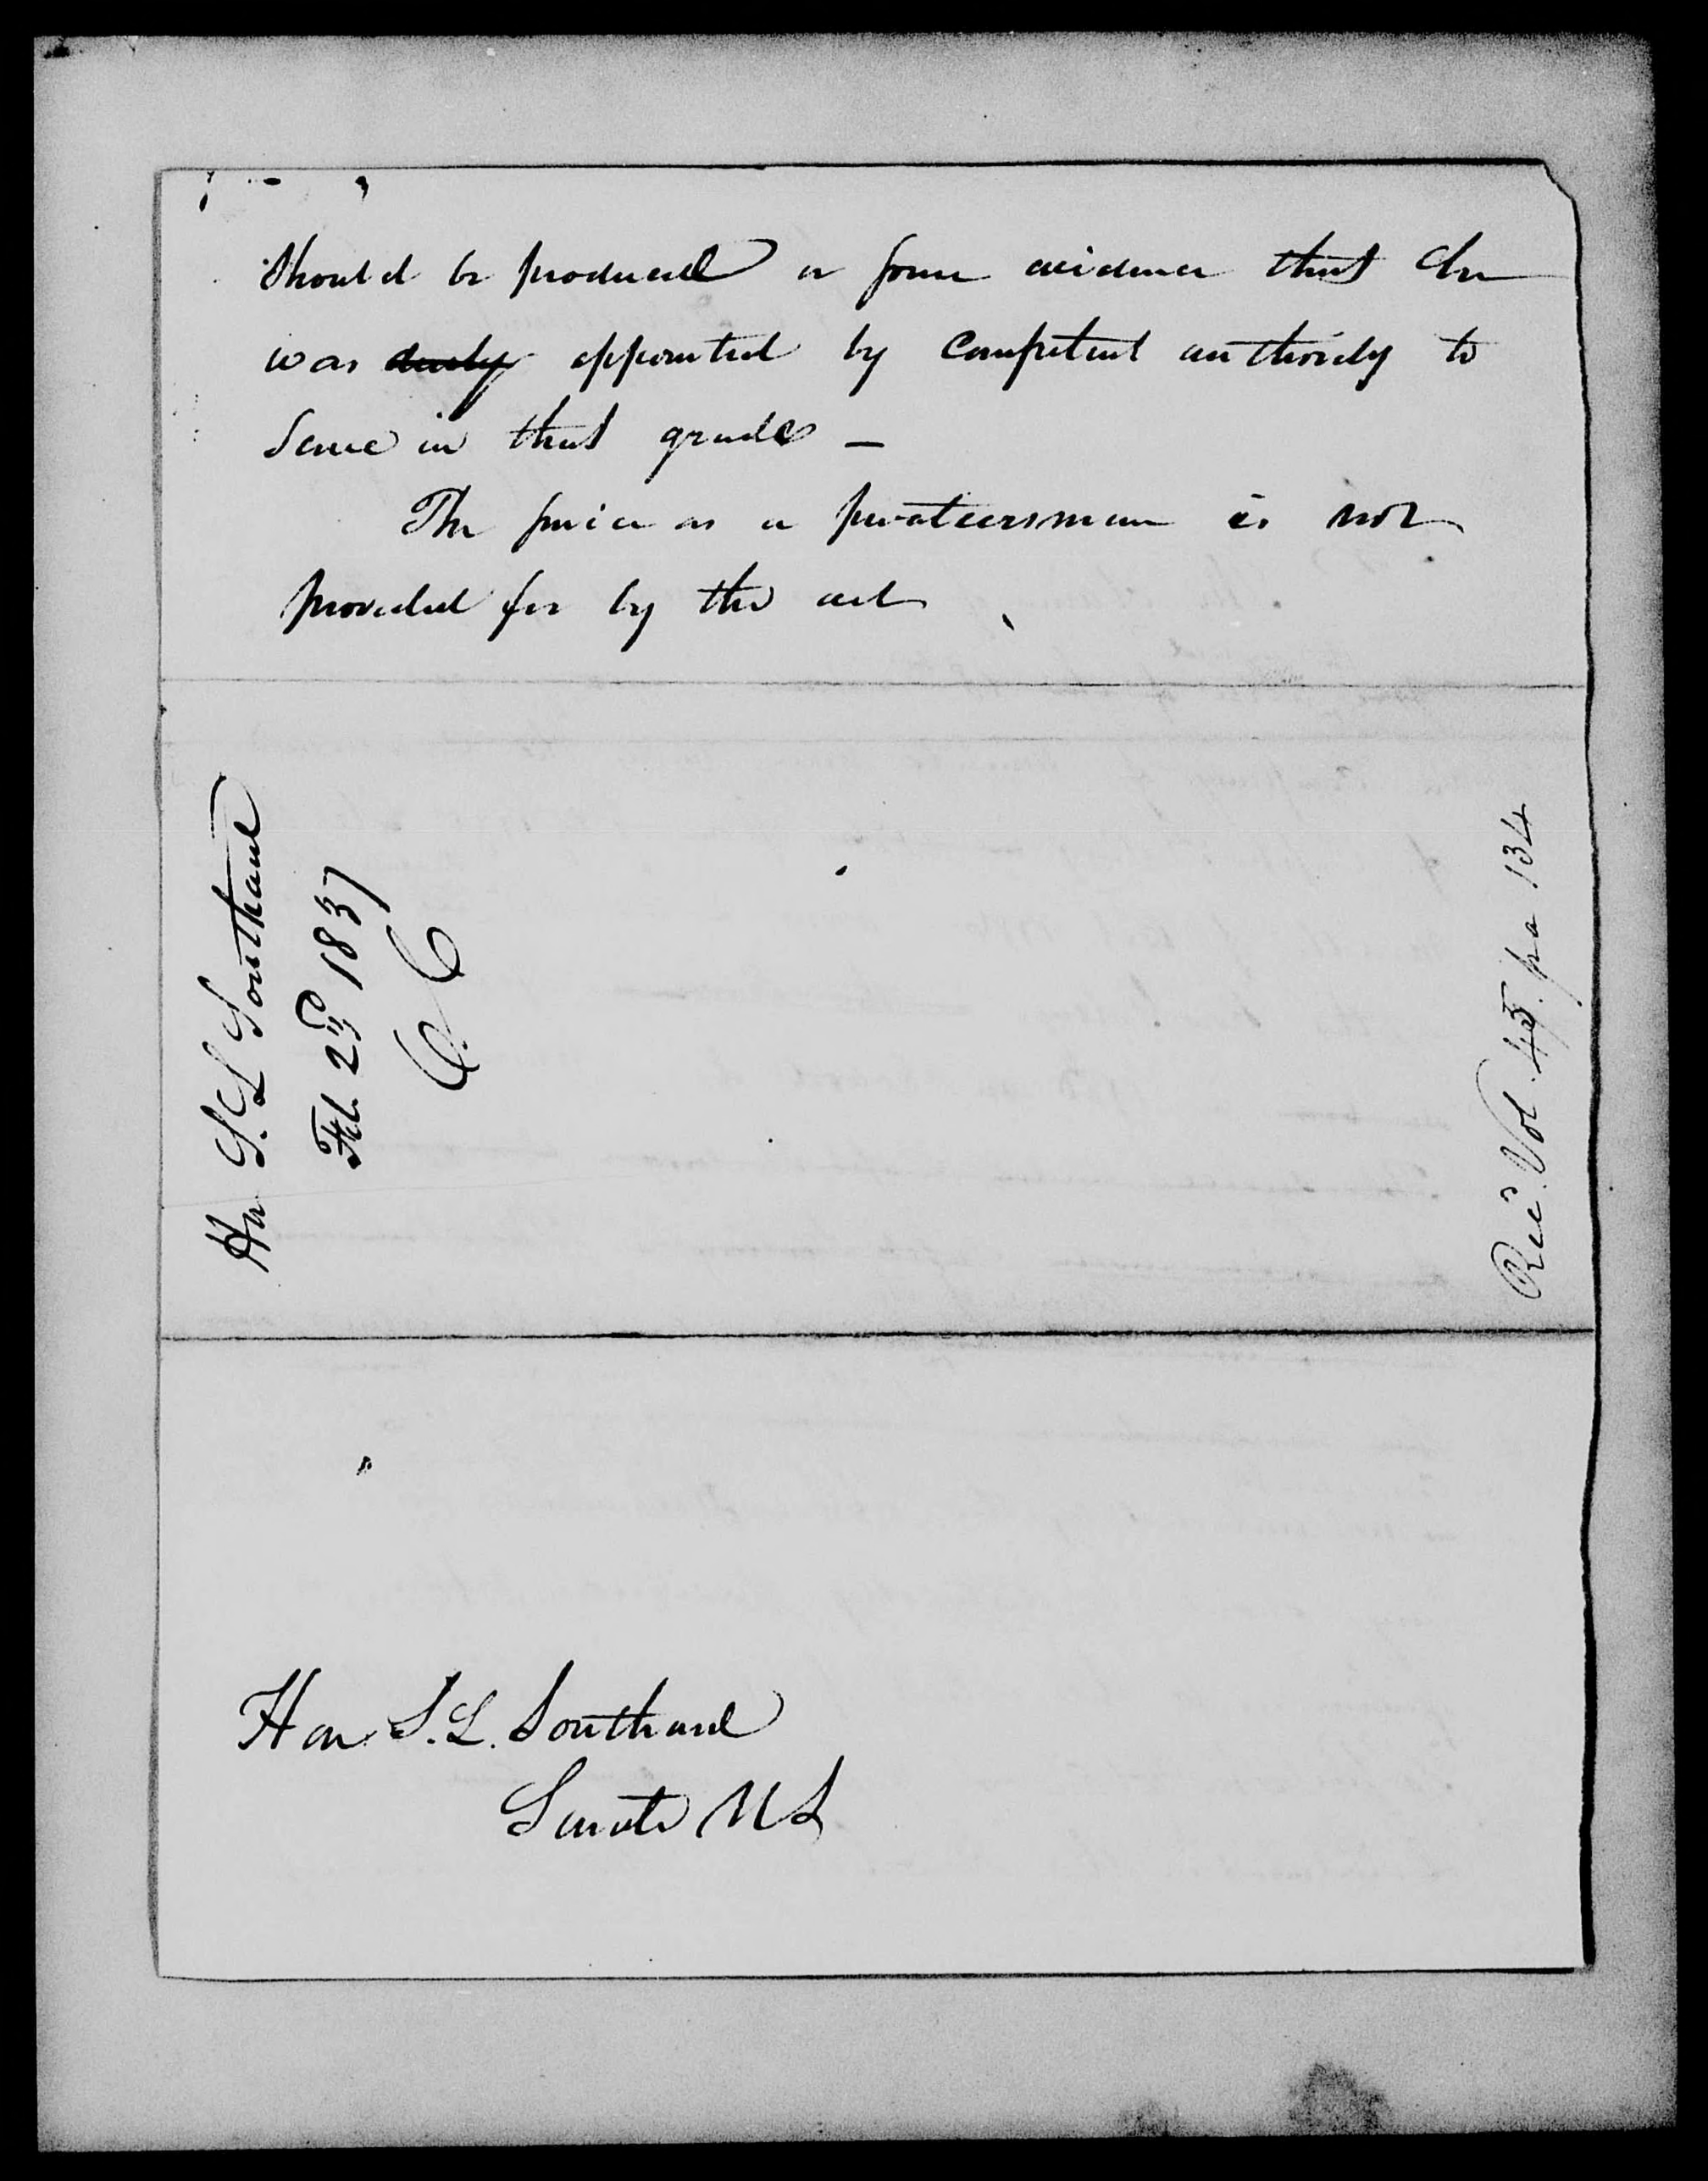should be produced in same evidence that [clm?] was appointed by competent authority to serve in that grade_

The service as a privateerman is not provided for by the act.

Hn. J. L Southard
Feb 2d.. 1837
C.C

Recd. Vol. 45. pa 134

Hon J. L. Southard
[Illegible] US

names: S L Southard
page: 26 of 39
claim: rejected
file: R. 6154, for James Laning, New Jersey